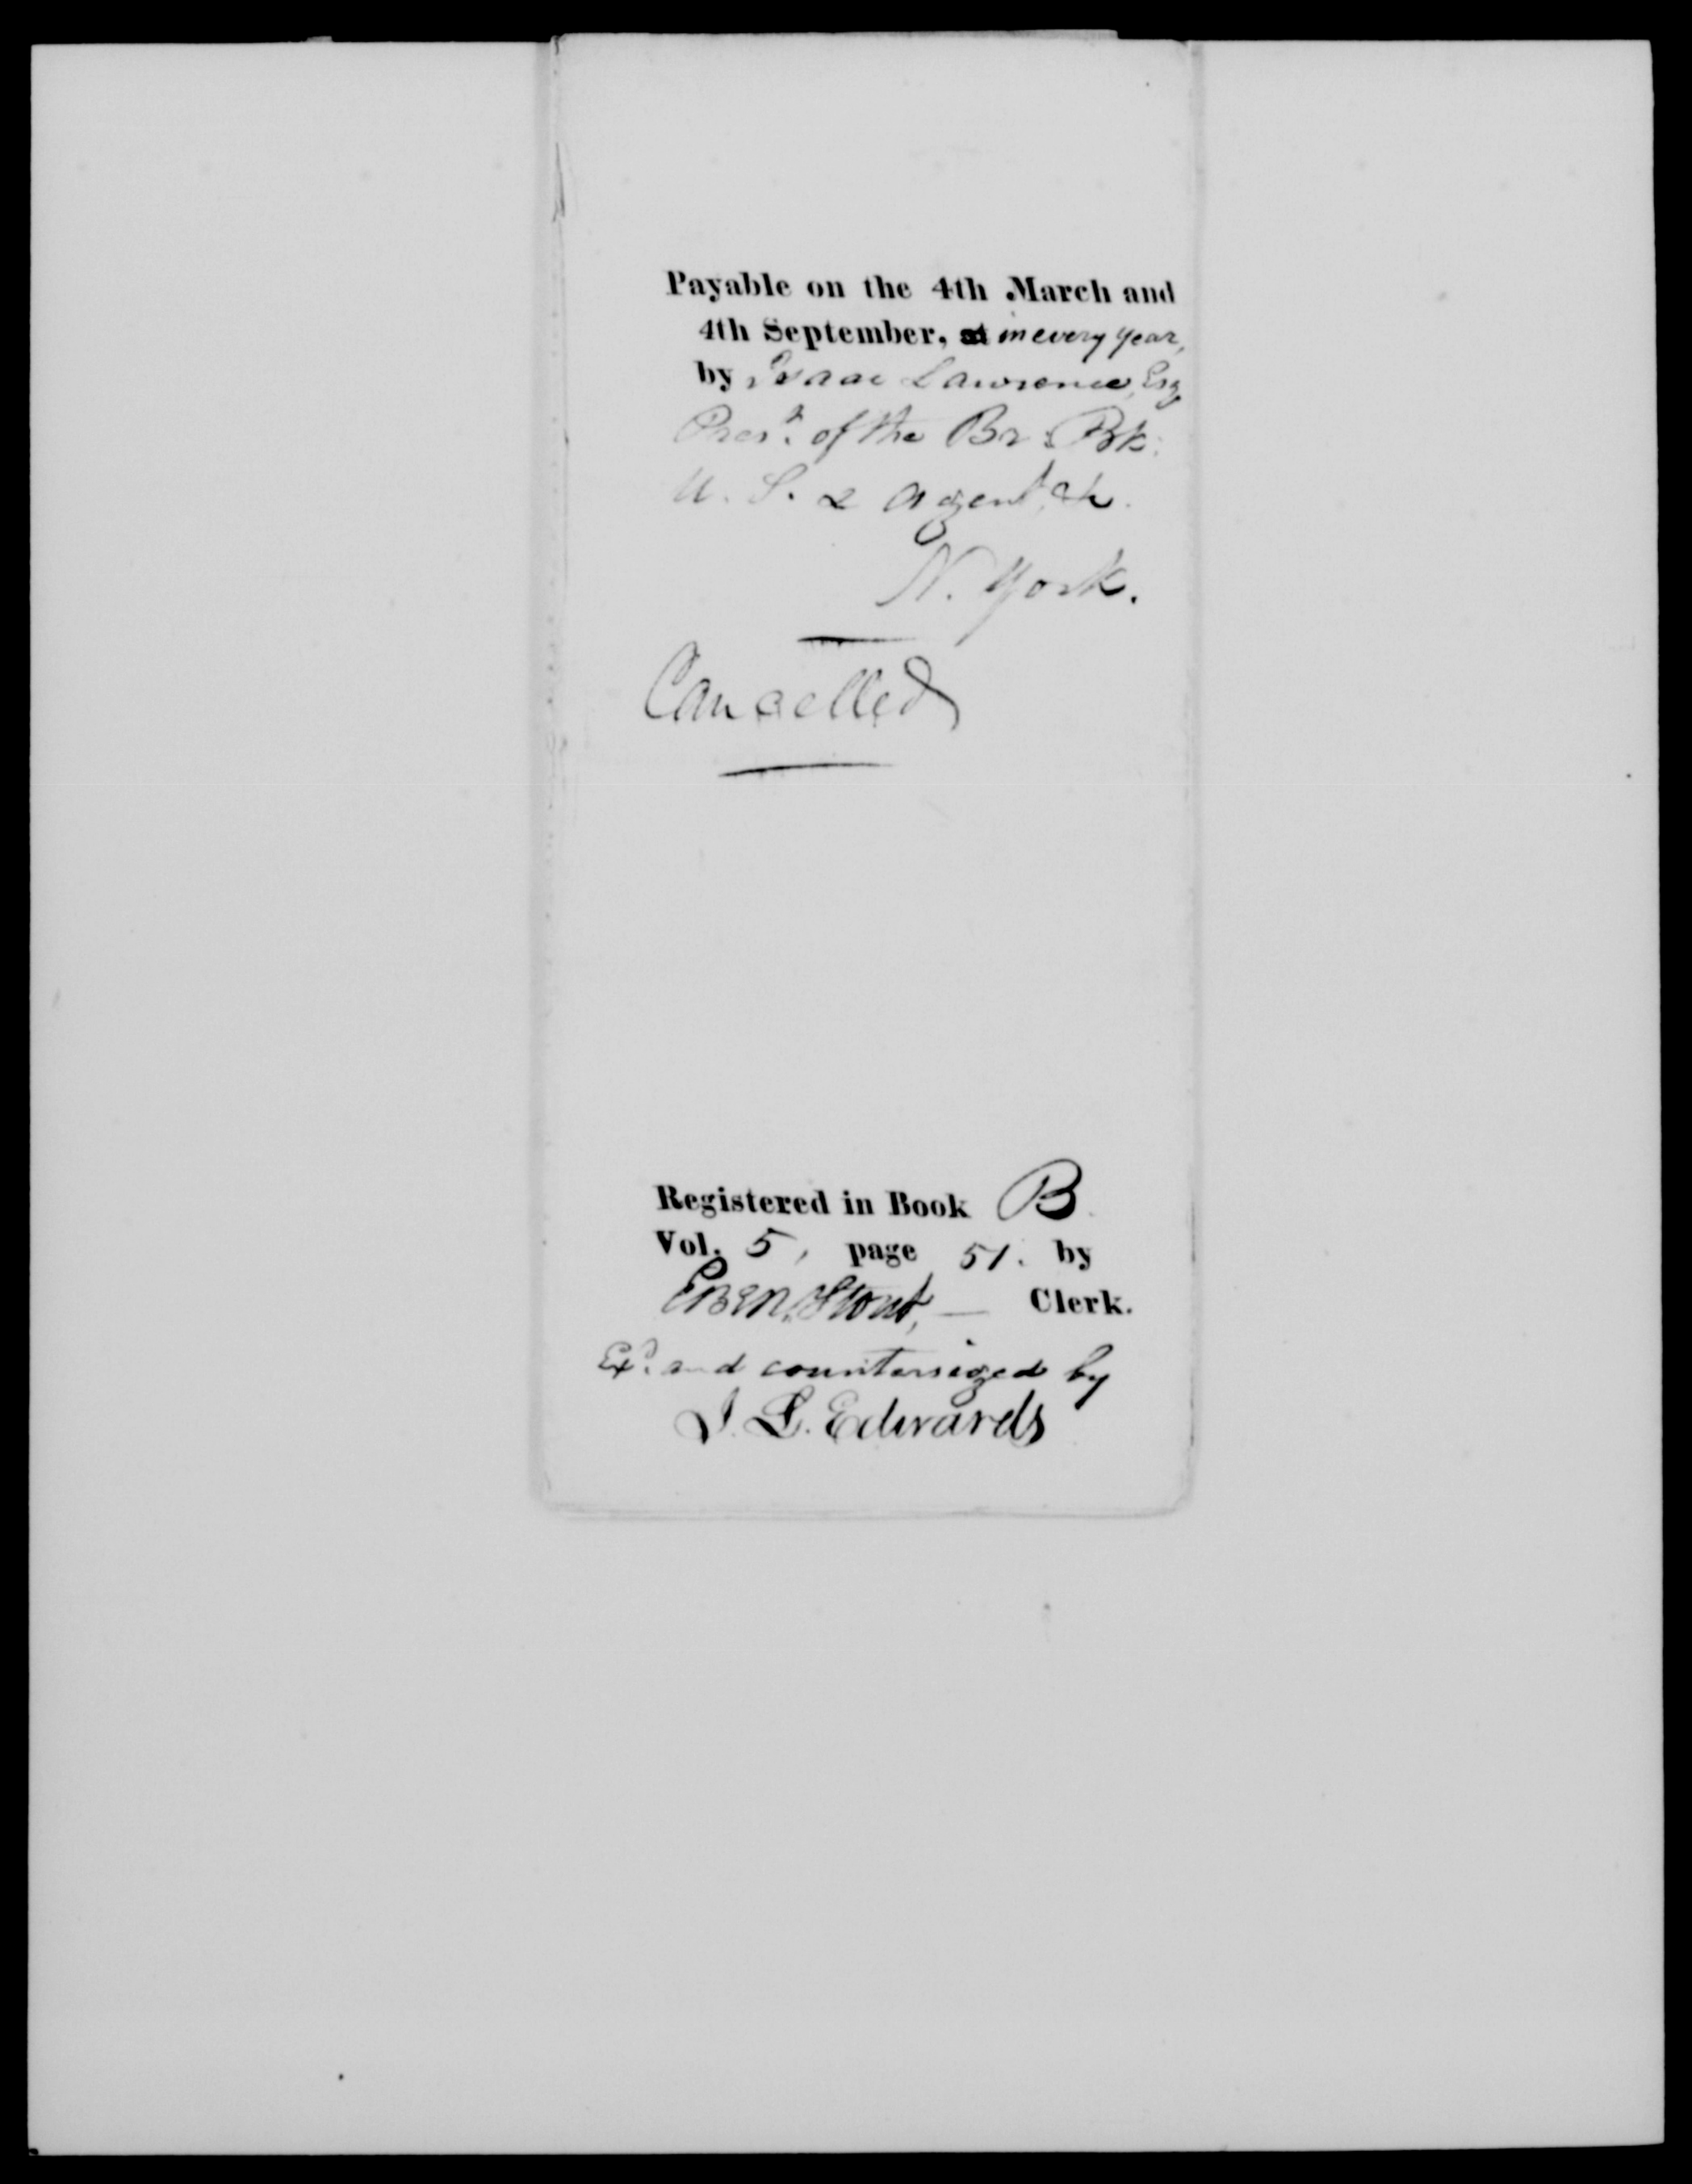Payable on the 4th March and 4th September, in every year by Isaac Lawrence, Esqr 
Pres’t [president] of the Br Bank U.S. & Agent N. York  
Cancelled 
Registered in Book B Vol. 5, page 51, by Eben Stout Clerk 
Exd and countersiged by J.L. Edwards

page: 12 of 36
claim: survivor's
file: S. 10,004, for Seely Scofield, Connecticut